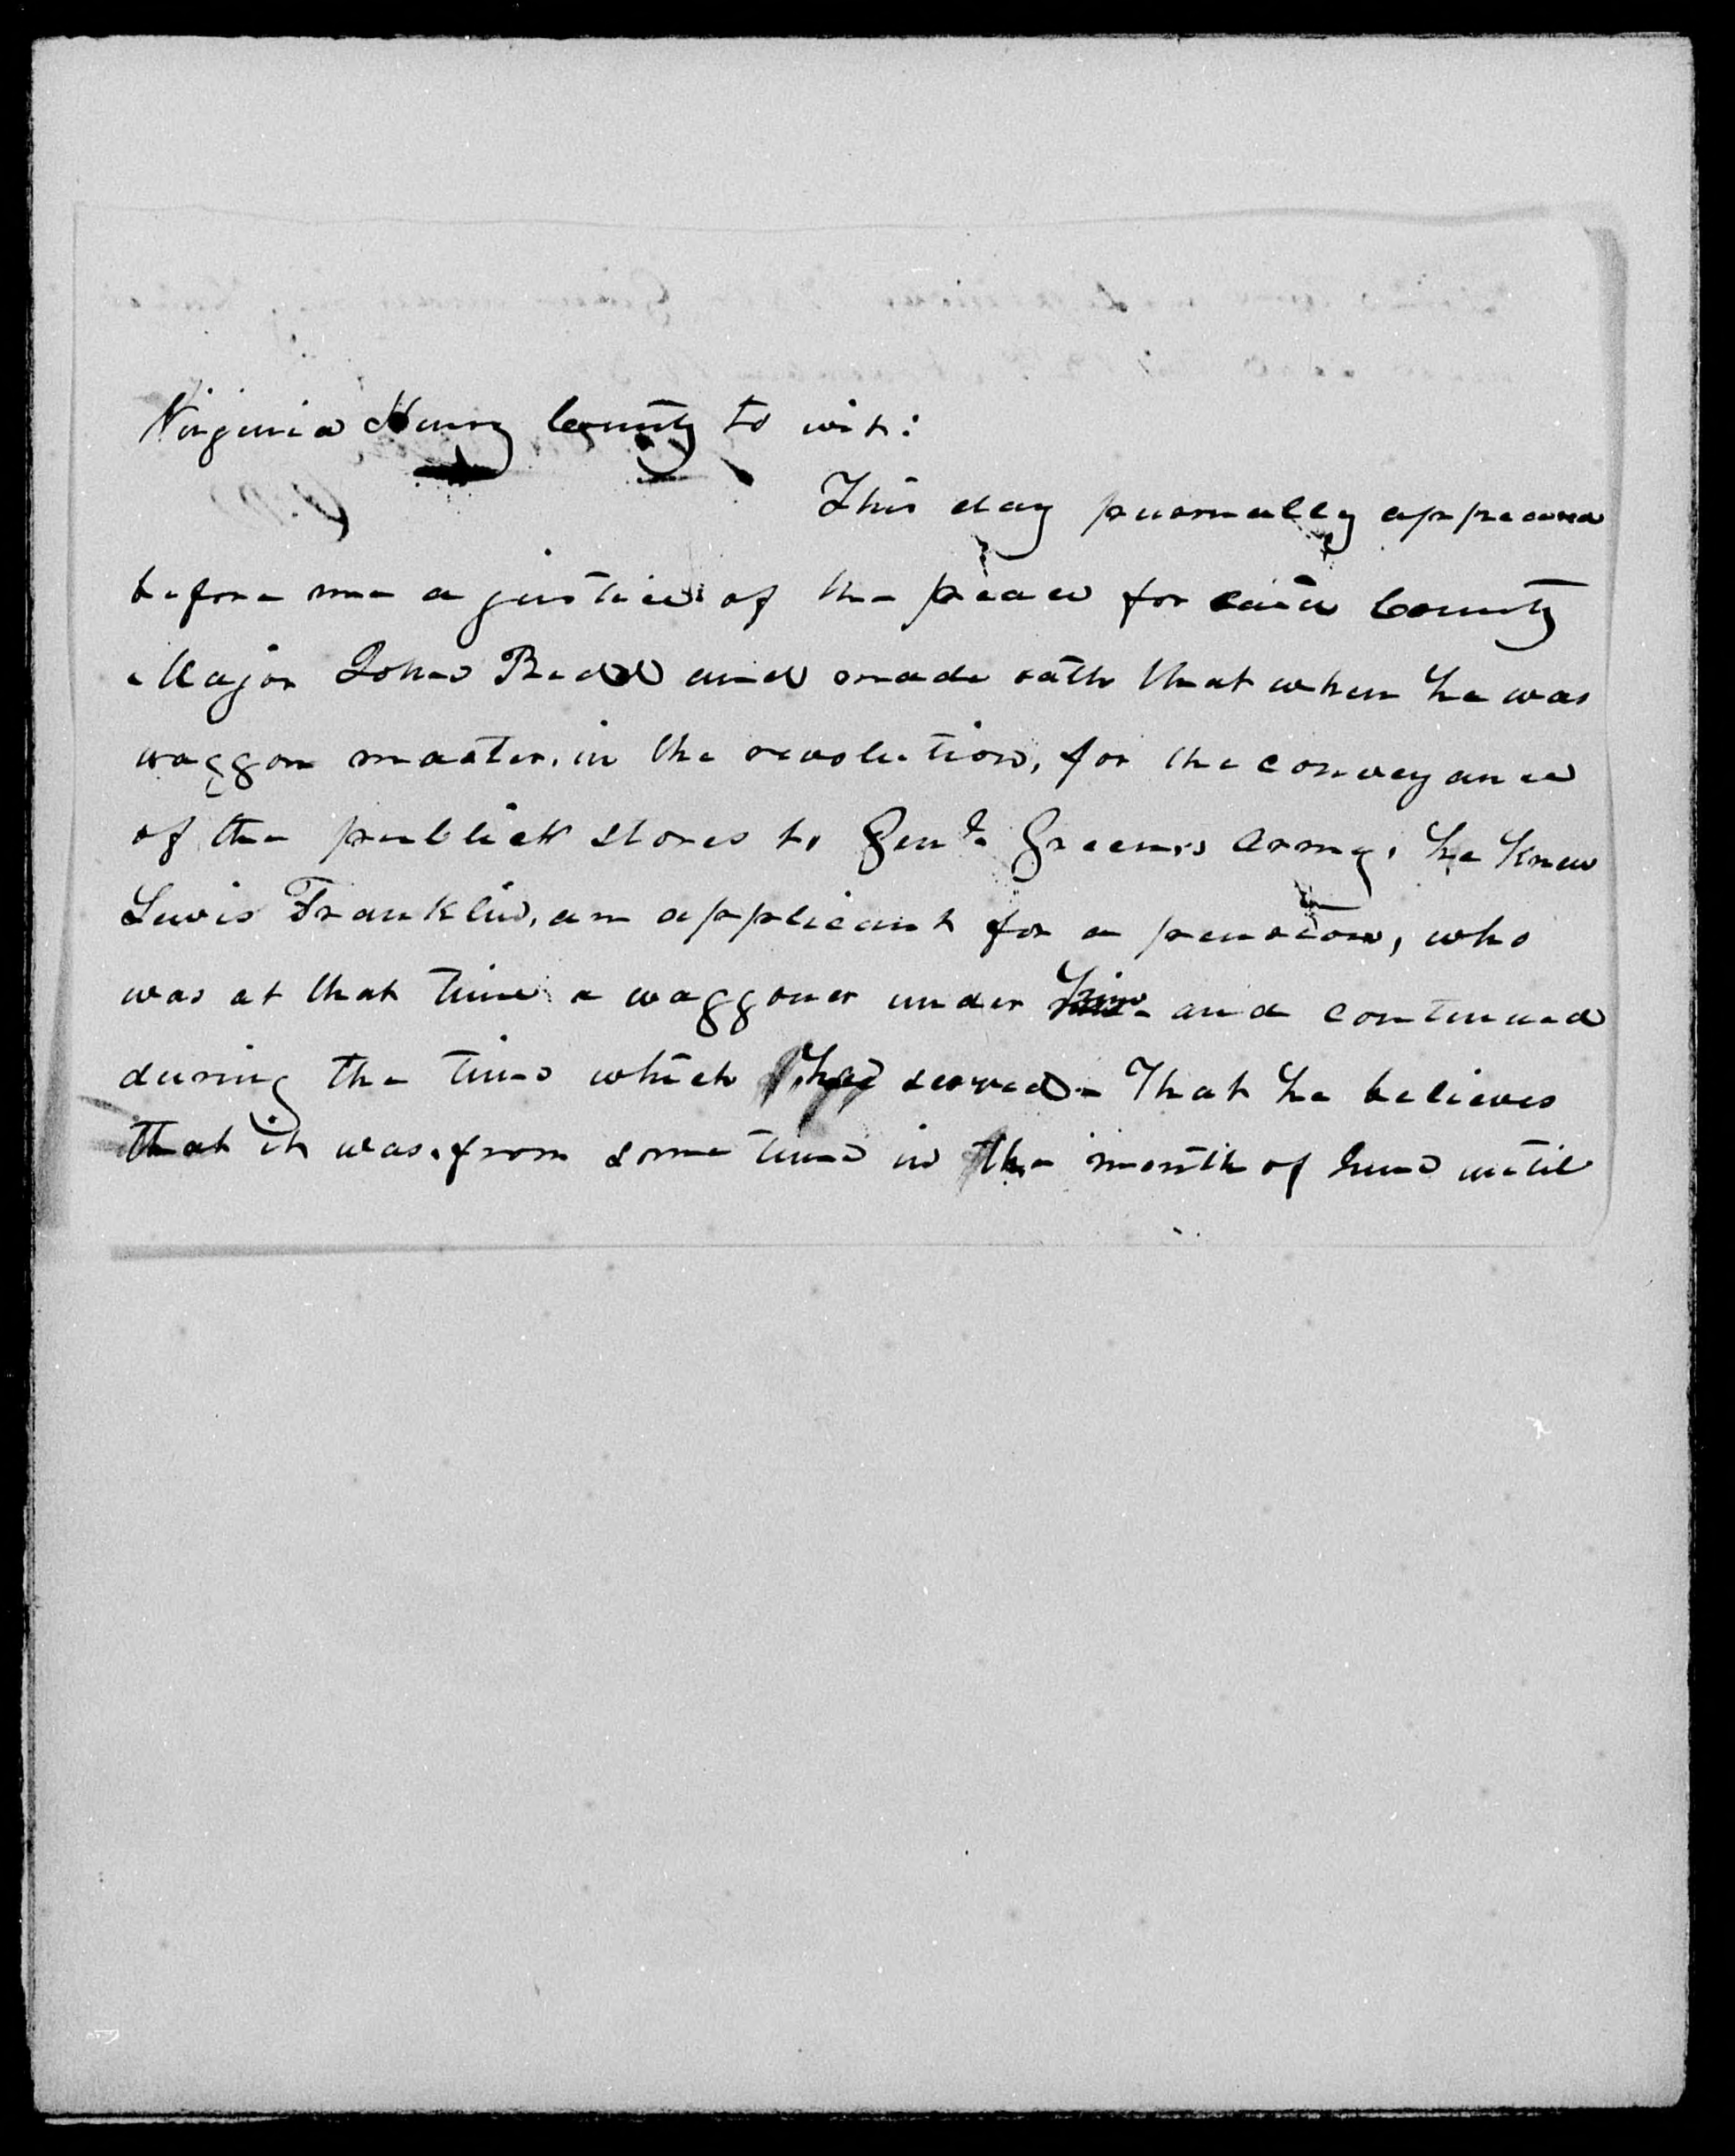Virginia
Henry County to wit:
This day personally appeared
before me a justice of the peace for said County
Major John Redd and made oath that when he was waggon master in the revolution, for the conveyance
of the public stores to Genl Green's army, he knew Lewis Franklin, an applicant for a pension, who was at that time a waggoner under (illegible) and continued
during the time which he served. That he believes that it was from some time in the month of June until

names: John Redd, Lewis Franklin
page: 11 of 20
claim: survivor's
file: S. 8519, Lewis Franklin, N.C. Va.